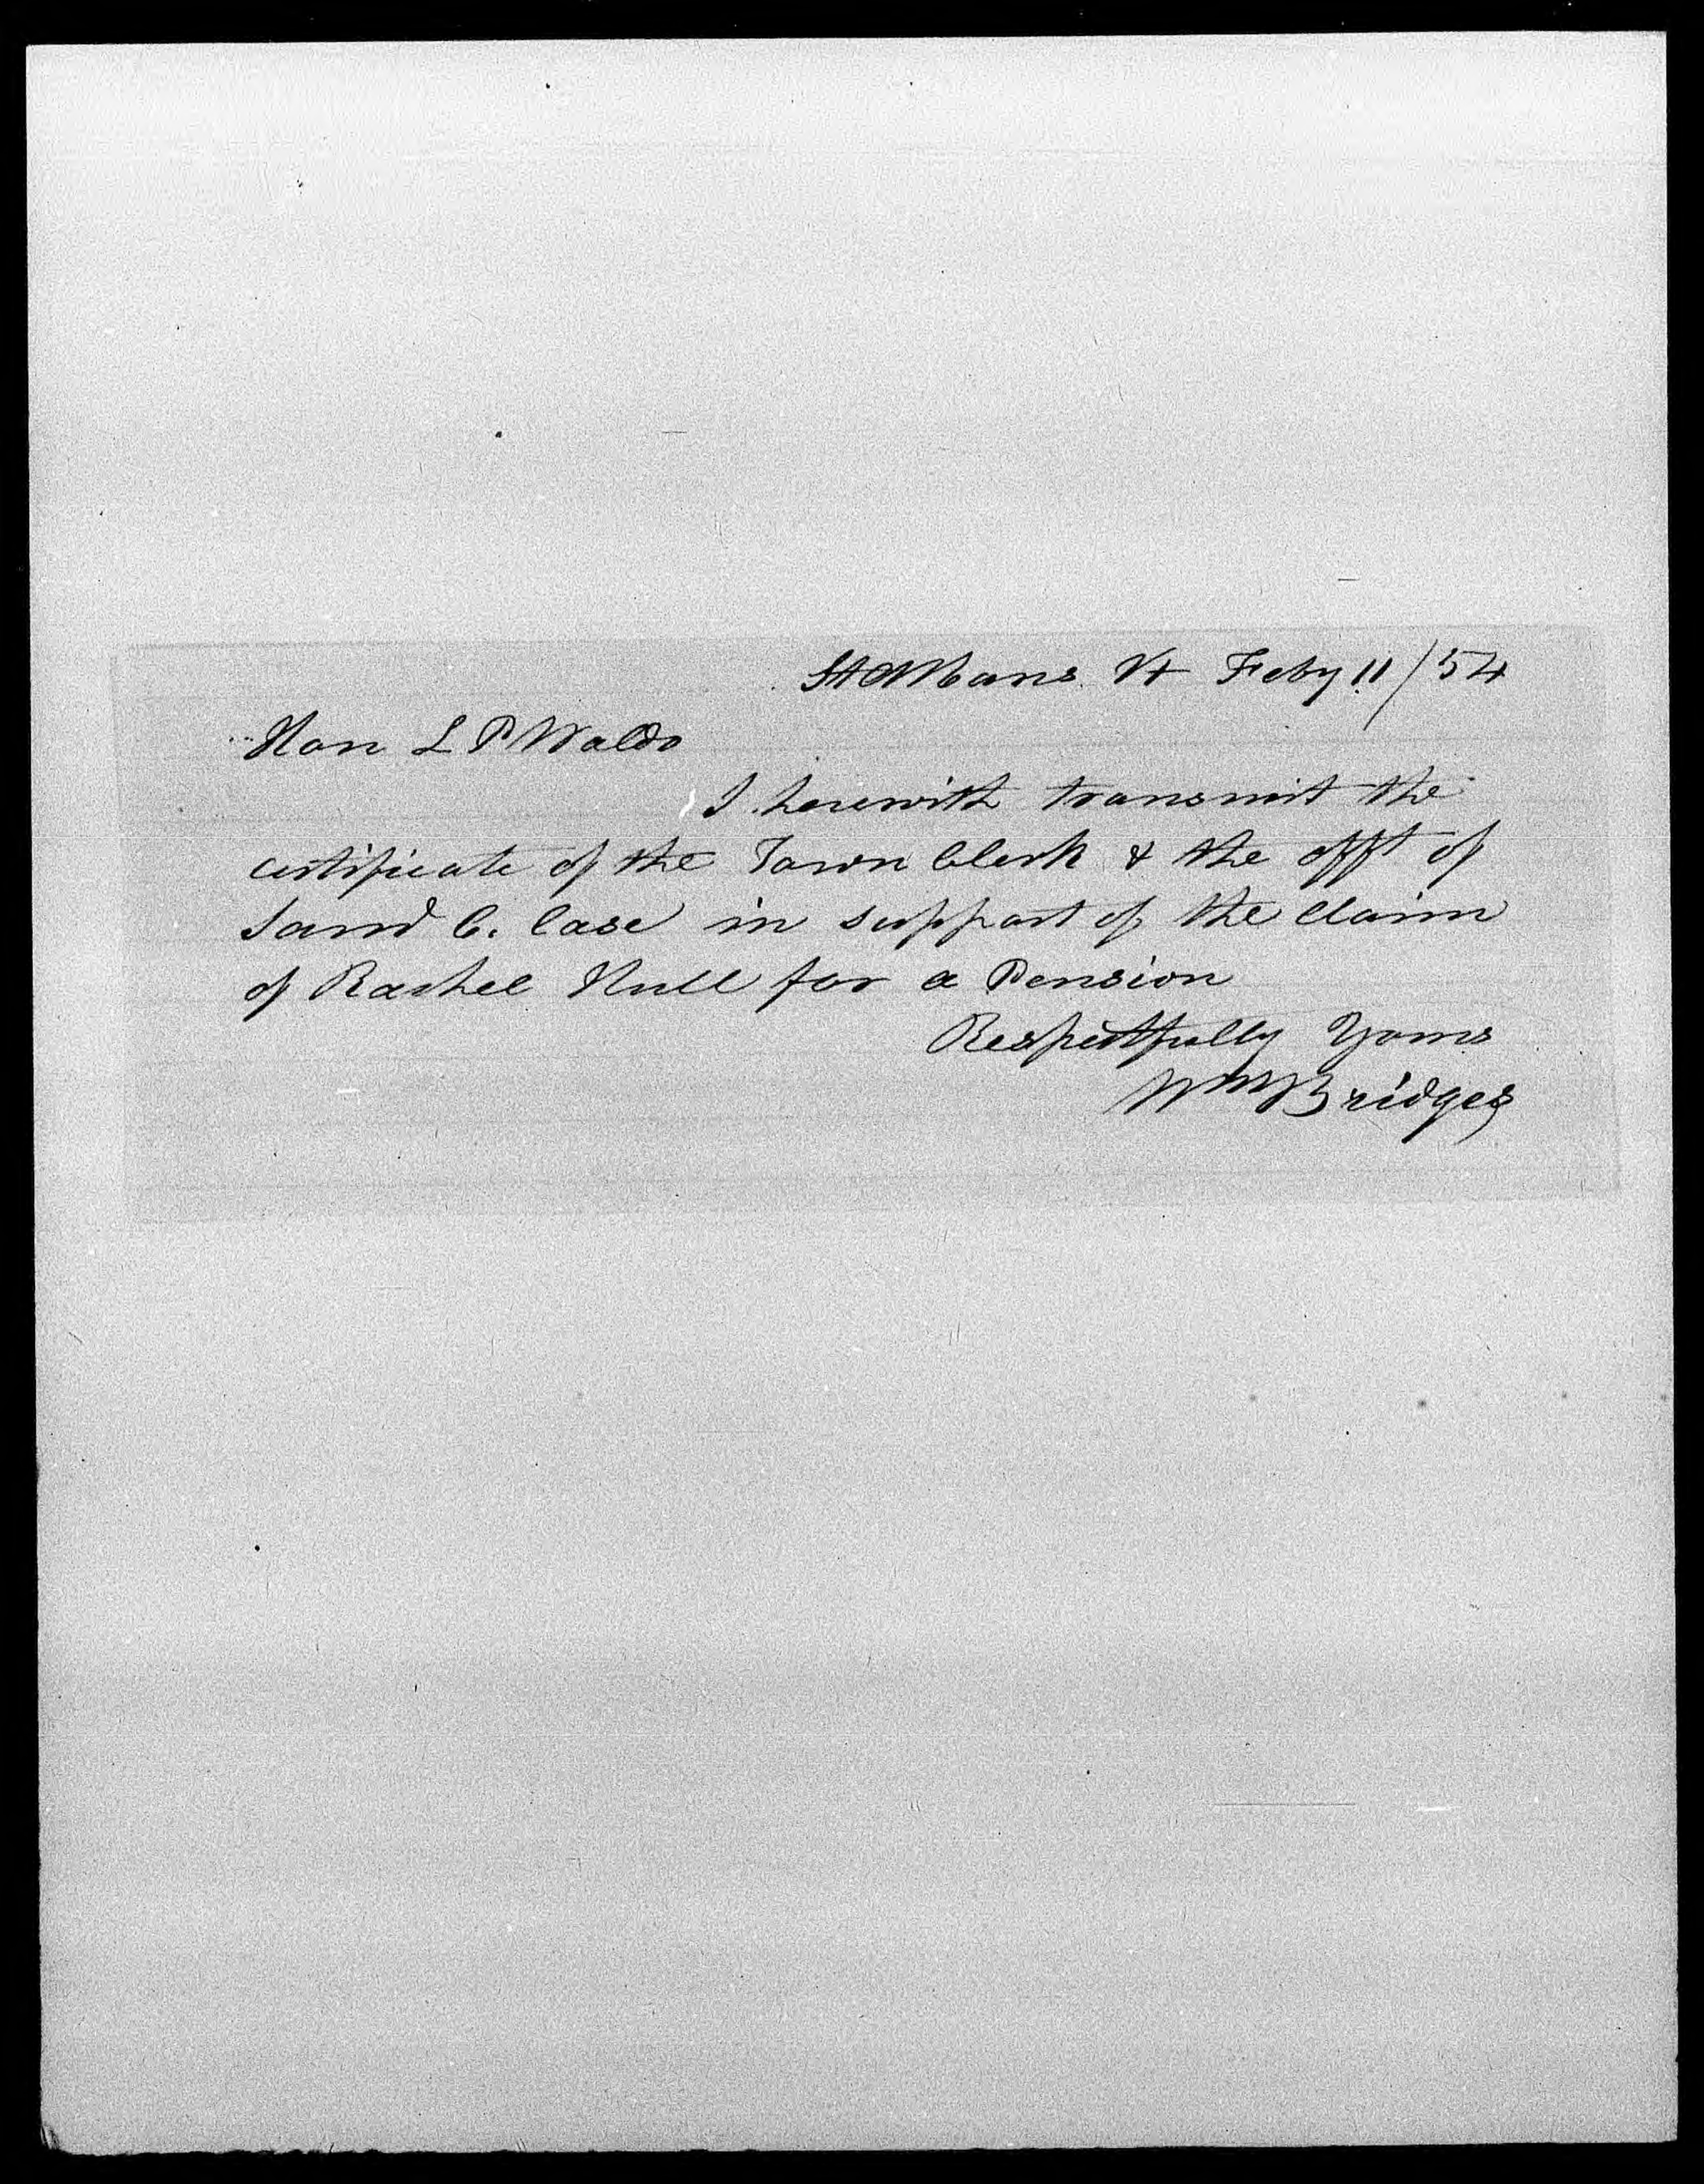St Albans Vt Feby 11/54
Hon L P Waldo
I herewith transmit the
certificate of the Town Clerk & the offt of
Saml C. Case in support of the claim
of Rachel Hull for a Pension
Respectfully Yours
Wm Bridges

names: Wm Bridges, L P Waldo, Rachel Hull, Saml C Case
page: 41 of 58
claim: widow's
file: W. 25813, Jehiel Hull, Conn.